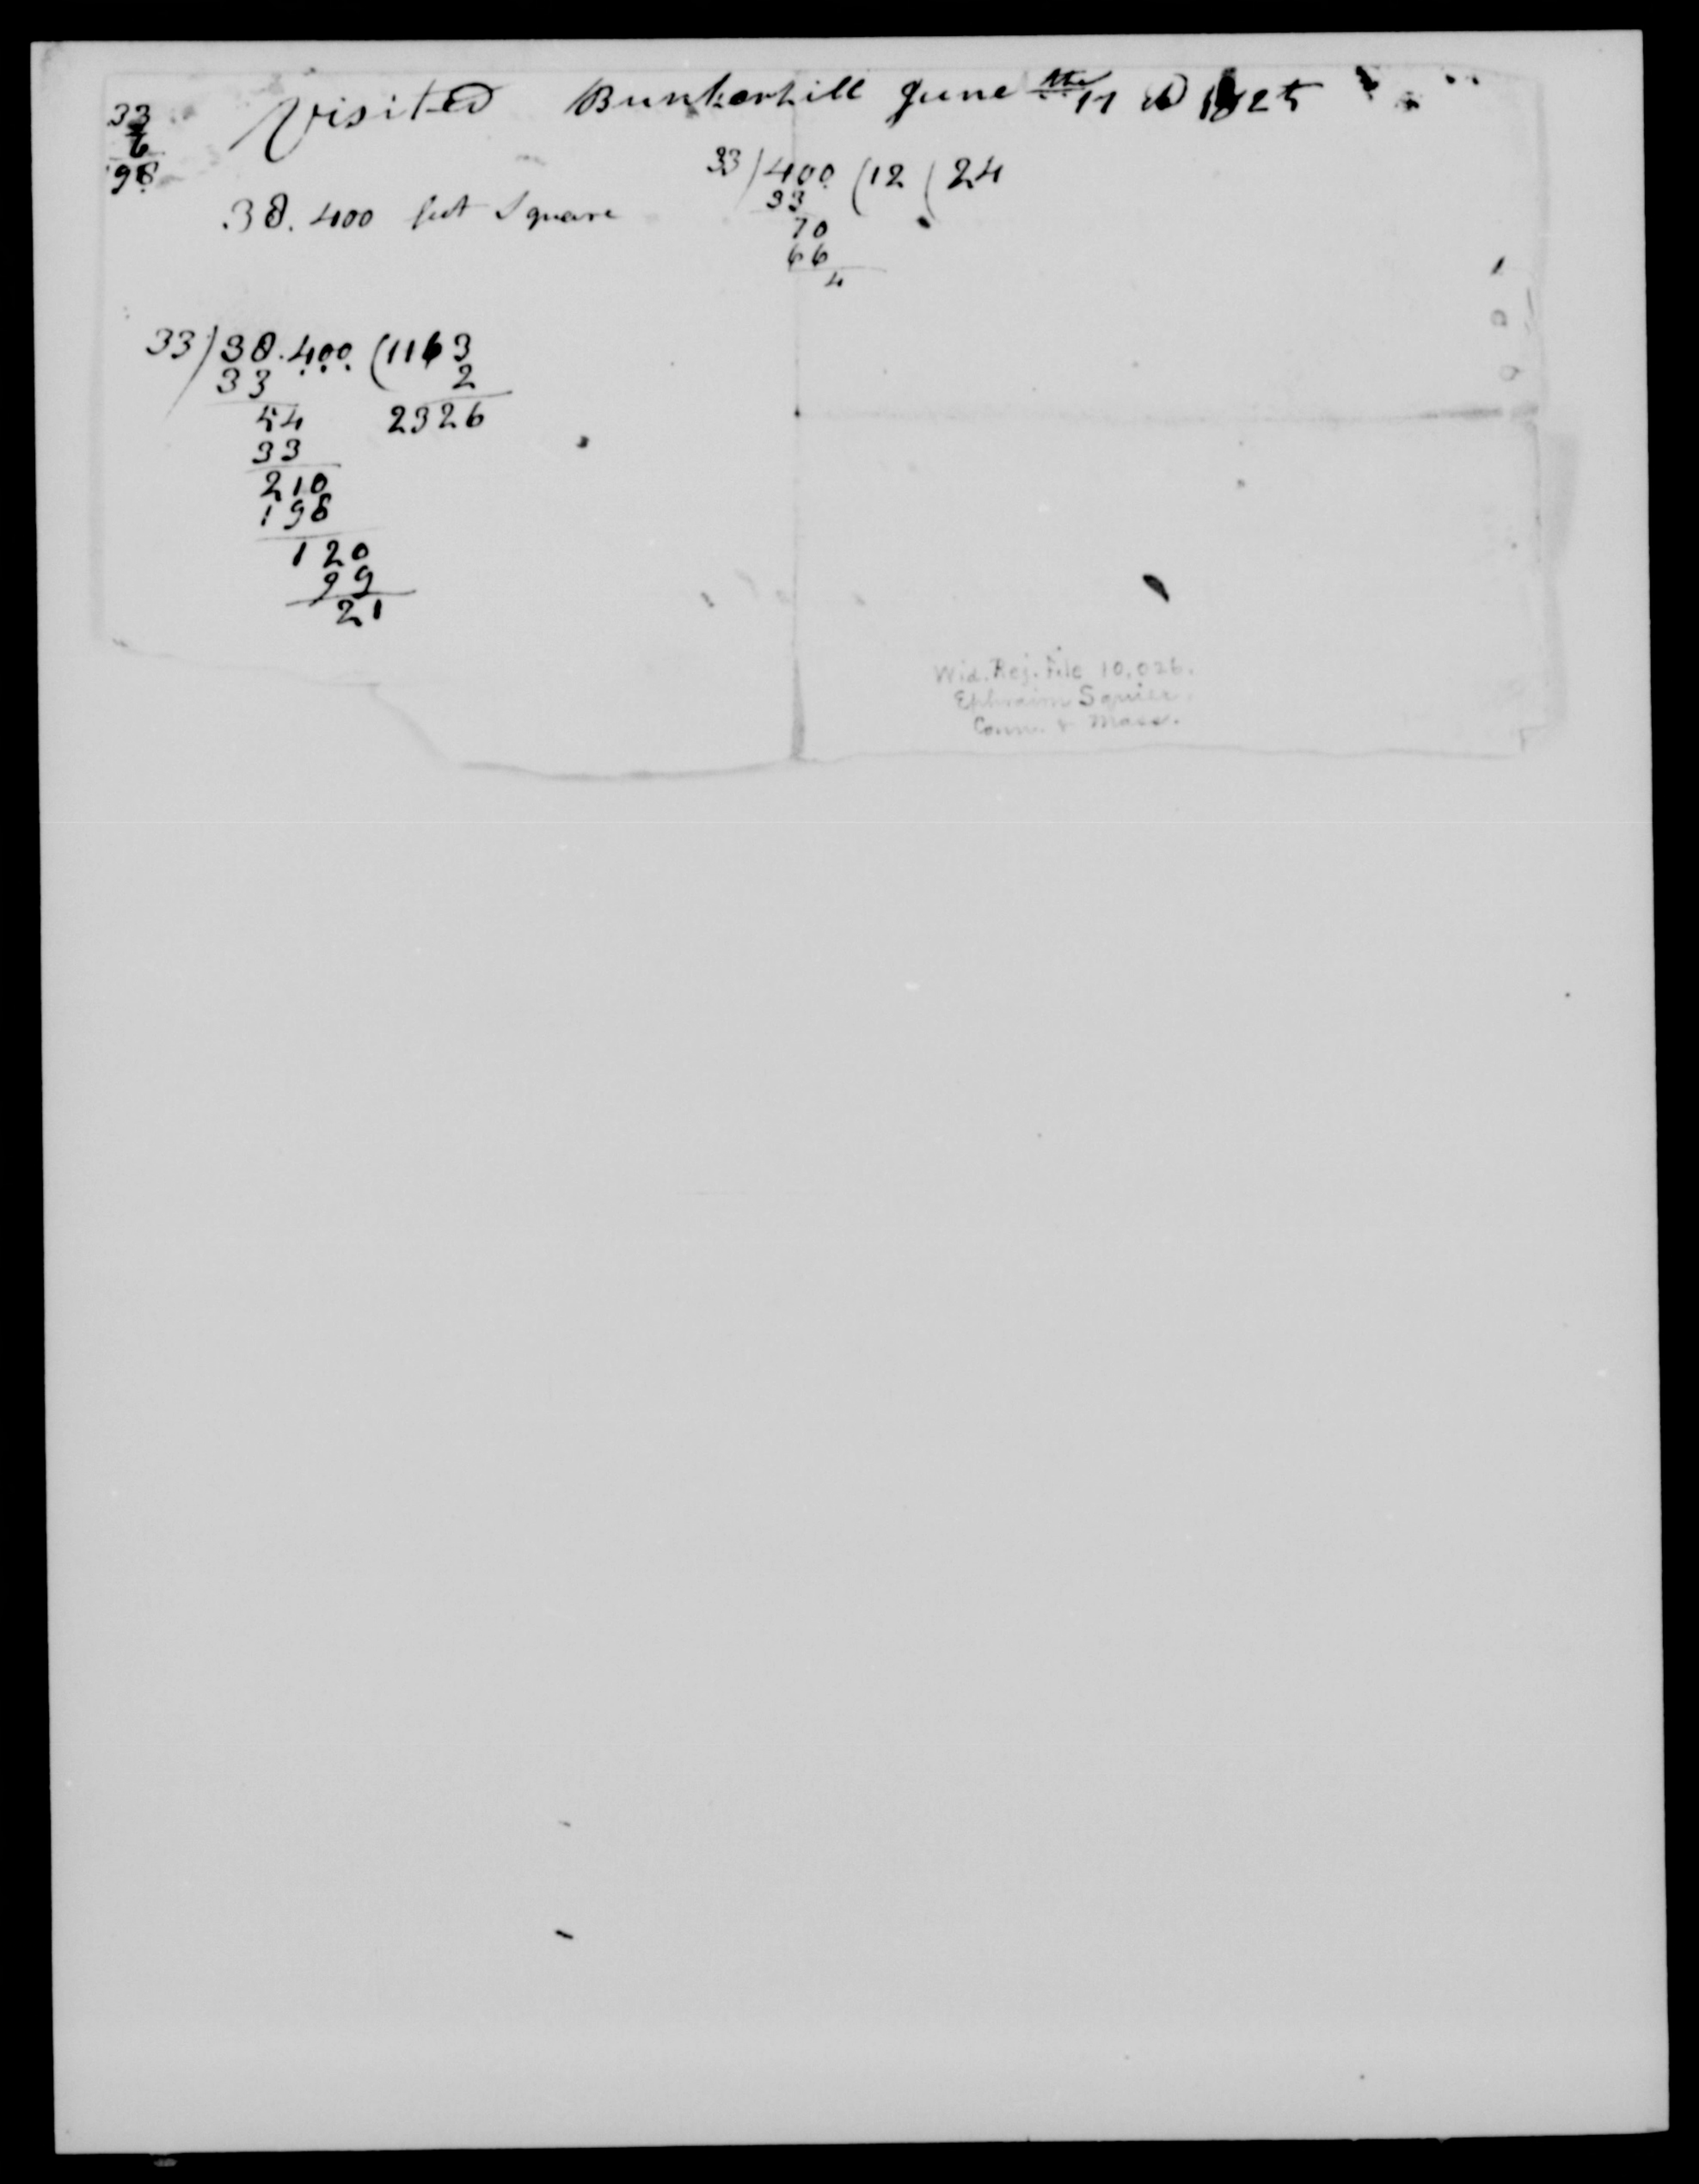33
6
96

Visited Bunker hill June the 17 of 1825 
3840.  feet square 

Mathmatical Equation worked out (38400/33)


Wid. Res. File 10,026.
Ephraim Squier
Conne. and Mass.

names: [BLANK]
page: 23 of 70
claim: rejected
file: R. 10,026, for Ephraim Squier, Connecticut